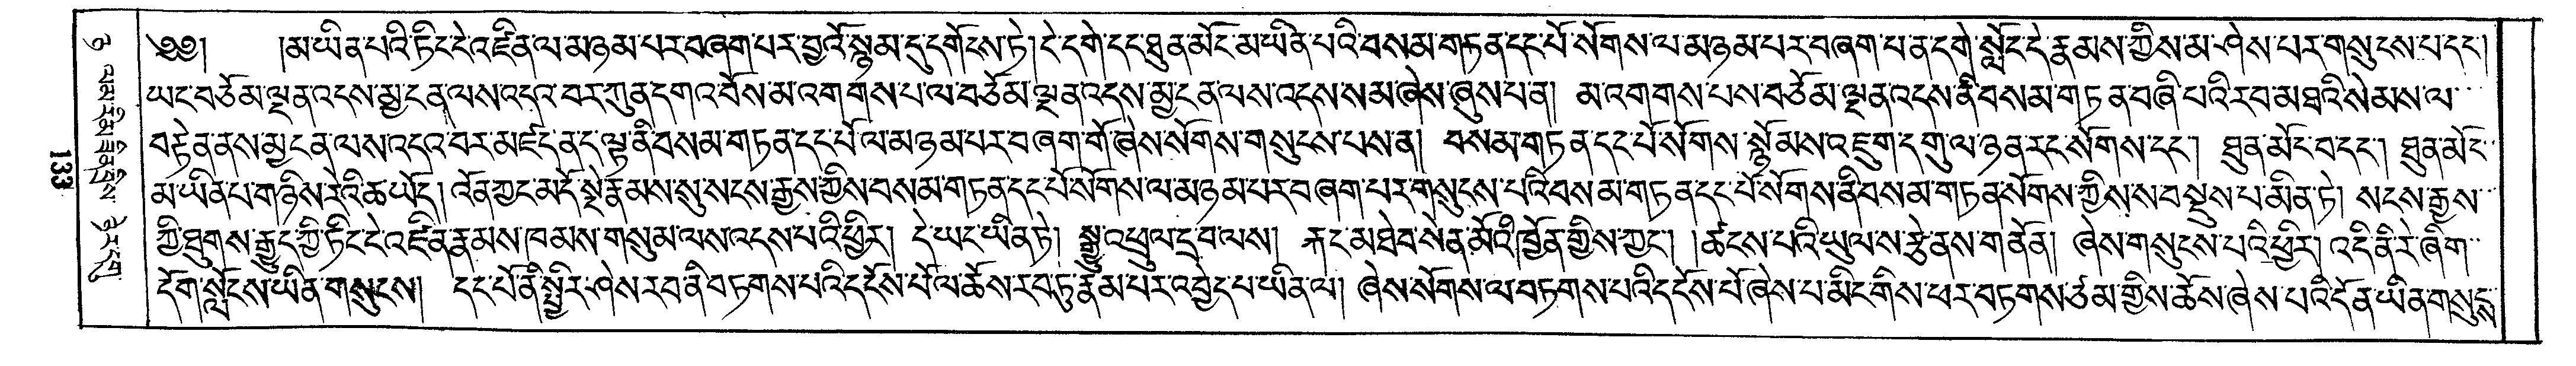༄༅། །མ་ཡིན་པའི་ཏིང་ངེ་འཛིན་ལ་མཉམ་པར་བཞག་པར་བྱའོ་སྙམ་དུ་དགོངས་ཏེ། དེ་དག་དང་ཐུན་མོང་མ་ཡིན་པའི་བསམ་གཏན་དང་པོ་སོགས་ལ་མཉམ་པར་བཞག་པ་ན་དགེ་སློང་དེ་རྣམས་ཀྱིས་མ་ཤེས་པར་གསུངས་པ་དང་།
ཡང་བཅོམ་ལྡན་འདས་མྱ་ངན་ལས་འདའ་ཁར་ཀུན་དགའ་བོས་མ་འགགས་པ་ལ་བཅོམ་ལྡན་འདས་མྱ་ངན་ལས་འདས་སམ་ཞེས་ཞུས་པ་ན། མ་འགགས་པས་བཅོམ་ལྡན་འདས་ནི་བསམ་གཏན་བཞི་བའི་རབ་མཐའི་སེམས་ལ་
བརྟེན་ནས་མྱ་ངན་ལས་འདའ་བར་མཛད་ན་ད་ལྟ་ནི་བསམ་གཏན་དང་པོ་ལ་མཉམ་པར་བཞག་གོ་ཞེས་སོགས་གསུངས་པས་ན། བསམ་གཏན་དང་པོ་སོགས་སྙོམས་འཇུག་དགུ་ལ་ཉན་རང་སོགས་དང་། ཐུན་མོང་བ་དང་། ཐུན་མོང་
མ་ཡིན་པ་གཉིས་རེའི་ཆ་ཡོད། འོན་ཀྱང་མདོ་སྡེ་རྣམས་སུ་སངས་རྒྱས་ཀྱིས་བསམ་གཏན་དང་པོ་སོགས་ལ་མཉམ་པར་བཞག་པར་གསུངས་པའི་བསམ་གཏན་དང་པོ་སོགས་ནི་བསམ་གཏན་སོགས་ཀྱིས་ས་བསྡུས་པ་མིན་ཏེ། སངས་རྒྱས་
ཀྱི་ཐུགས་རྒྱུད་ཀྱི་ཏིང་ངེ་འཛིན་རྣམས་ཁམས་གསུམ་ལས་འདས་པའི་ཕྱིར། དེ་ཡང་ཡིན་ཏེ། སྒྱུ་འཕྲུལ་དྲ་བ་ལས། རྐང་མཐེབ་སེན་མོའི་ཁྱོན་གྱིས་ཀྱང་། །ཚངས་པའི་ཡུལ་ས་རྩེ་ནས་གནོན། ཞེས་གསུངས་པའི་ཕྱིར། འདི་ནི་རེ་ཞིག་
དོག་སློངས་ཡིན་གསུངས། དང་པོ་ནི་སྤྱིར་ཤེས་རབ་ནི་བཏགས་པའི་དངོས་པོ་ལ་ཆོས་རབ་ཏུ་རྣམ་པར་འབྱེད་པ་ཡིན་ལ། ཞེས་སོགས་ལ་བཏགས་པའི་དངོས་པོ་ཞེས་པ་མིང་གིས་ཕར་བཏགས་ཙམ་གྱིས་ཆོས་ཞེས་པའི་དོན་ཡིན་གསུངས་